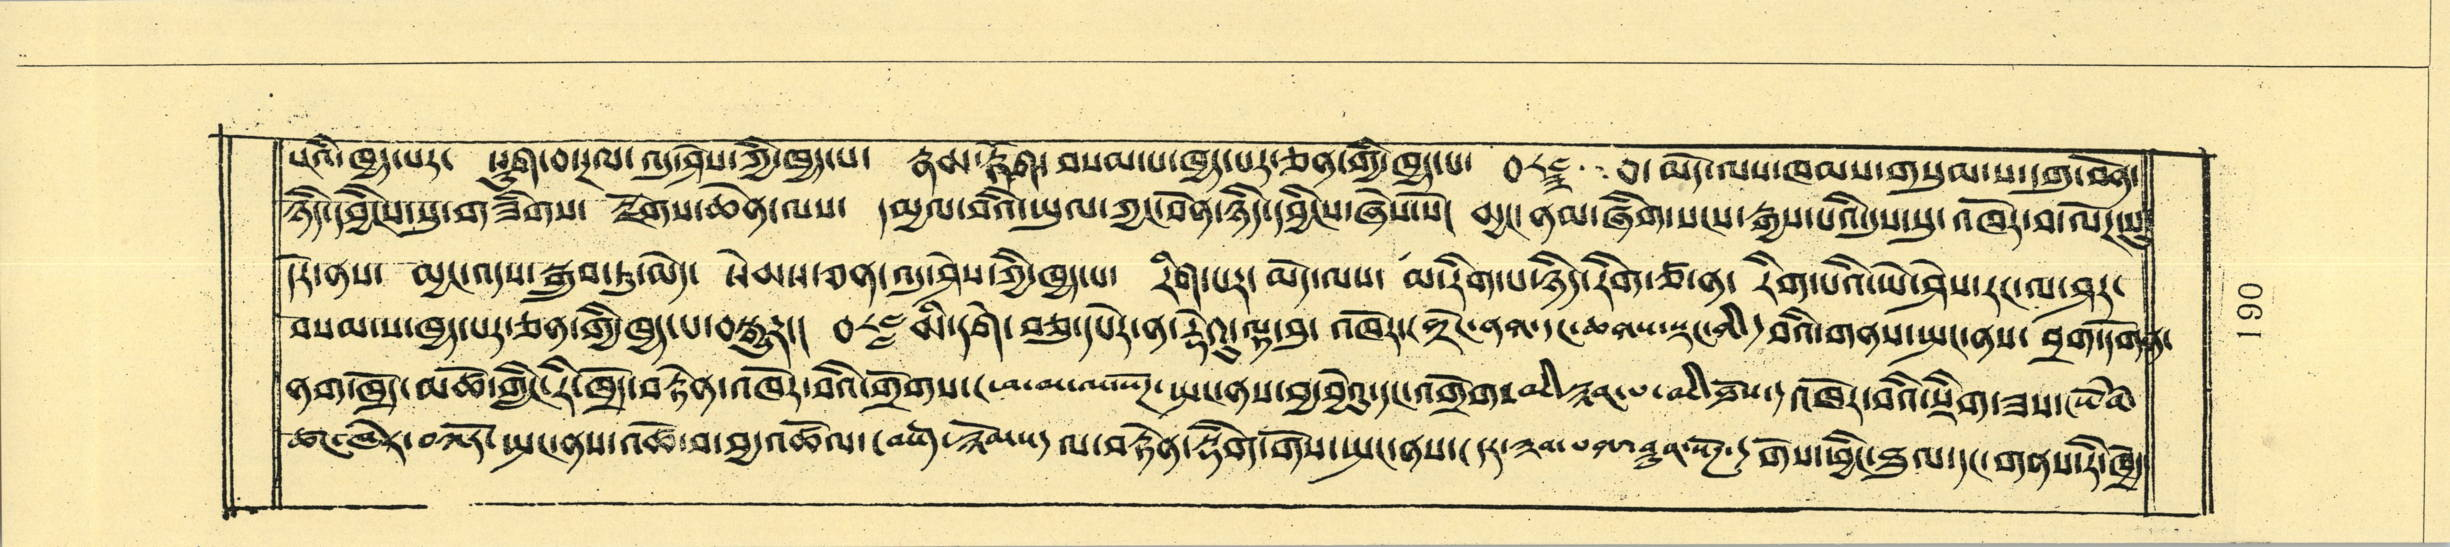པའི་ཁྱད་པར་༼སྡུག་བསྔལ༽འདུ་ཤེས་ཀྱི་ཁྱད་པར་༼རྣམ་རྟོག༽བསམ་པ་ཁྱད་པར་ཅན་གྱི་ཁྱད་པར་བ༨༤།༣༼བ༽མདོ་ལས་ཁམས་གསུམ་བོན་
ཉིད་དབྱིངས་སུ་གཟིགས། རྫོགས་ཆེན་ལས། དམྱལ་བའི་ཡུལ་ཀྱང་བོན་གྱི་དབྱིངས། ཞེས་སོ།༼མྱང༽ན་ཞིག་སངས་རྒྱས་པའི་དུས་སུ་འཁོར་བ་ལོགས་སུ་
དོར་ནས་མྱང་འདས་བསྒྲུབ་ཏུ་མེད་༼སེམས་ཅན༽འདུ་ཤེས་ཀྱི་ཁྱད་པར་ལ་༼རིག་པར༽མདོ་ལས། མ་རིག་པ་ཉིད་རིག་ཙ་ན། རིག་པའི་ཡེ་ཤེས་རང་ལ་ཤར། 
བསམ་པ་ཁྱད་པར་ཅན་གྱིས་ཁྱད་པར་བསྒྱུར། བ༨༤།༤༼མི་དགེ༽བཅུ་དཔེར་ན་༼རྡེའུ༽ལྟ་བུ་འཁོར་(གྲོང་ནག་དང་ཆགས་སྡང་གི)བའི་གནས་སྤང་ནས། བྲག་དགོན་
ནགས་ཁྲོད་མཚོ་གླིང་རི་ཁྲོད་བརྟེན་འཁོར་བའི་གྲོགས་(ཕ་མ་ལ་སོགས)སྤངས་ནས་བྱ་བྱེའུ་དང་འགྲོགས་(མི་སྙན་པ་མི་ཐོས)འཁོར་བའི་སྡིག་ཟས་སོ་ནམ་
ཚོང་ཁེར་བསྐོར། སྤང་ནས་འཚོ་བ་བྱ་འཚོལ(བསོད་སྙོམས)ལ་བརྟེན་སྡིག་གོས་སྤངས་ནས་(དར་ཟབ་ལྤགས་ཤུན་སོགས)གོས་ཕྱིང་ཐུལ་དང་གནས་རི་ཁྲོད་